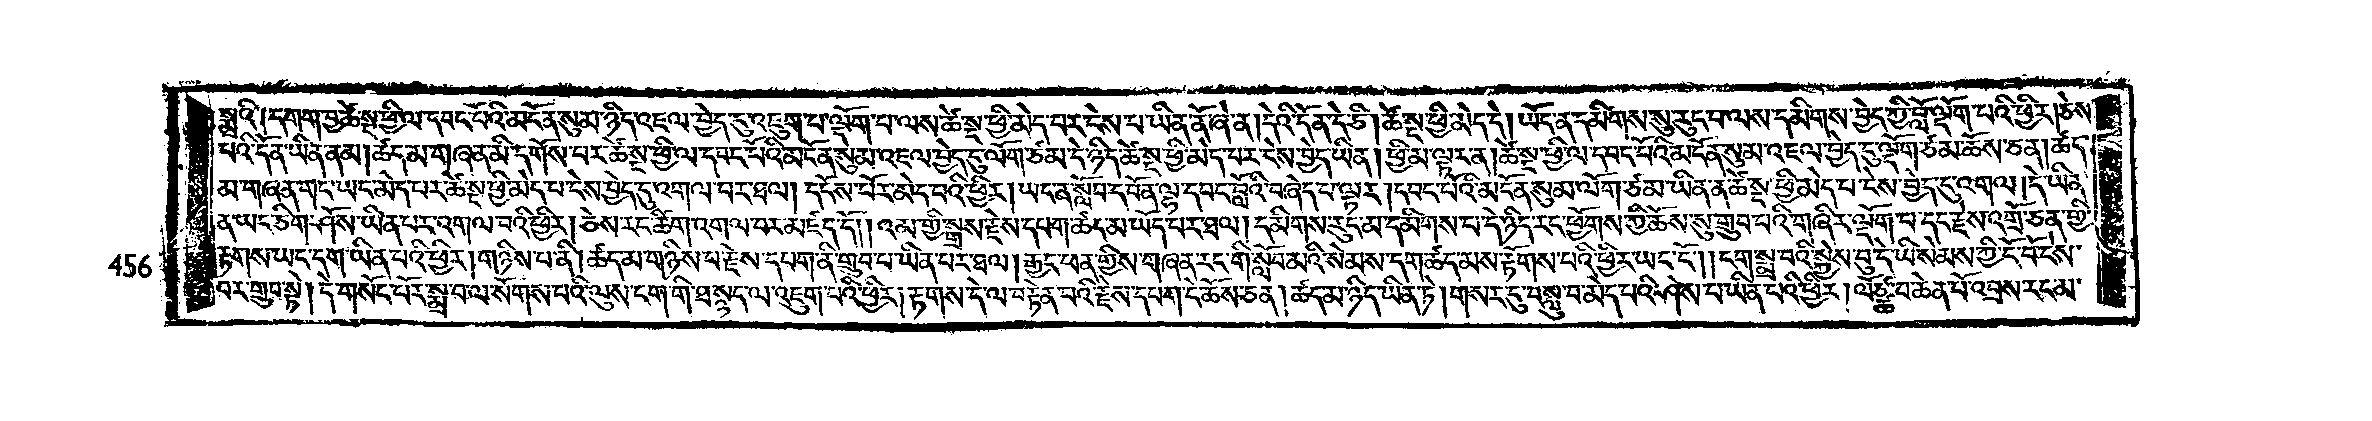སྨྲའི། དགག་བྱ་ཚེ་སྔ་ཕྱི་ལ་དབང་པོའི་མངོན་སུམ་ཉིད་འཇལ་བྱེད་དུ་འཇུག་པ་ལྡོག་པ་ལས་ཚེ་སྔ་ཕྱི་མེད་པར་ངེས་པ་ཡིན་ནོ་ཞེ་ན། དེའི་དོན་དེ་ཅི། ཚེ་སྔ་ཕྱི་མེད་དེ། ཡོད་ན་དམིགས་སུ་རུང་བ་ལས་དམིགས་བྱེད་ཀྱི་བློ་ལྡོག་པའི་ཕྱིར། ཅེས་
པའི་དོན་ཡིན་ནམ། ཚད་མ་གཞན་མི་དགོས་པར་ཚེ་སྔ་ཕྱི་ལ་དབང་པོའི་མངོན་སུམ་འཇལ་བྱེད་དུ་ལོག་ཙམ་དེ་ཉིད་ཚེ་སྔ་ཕྱི་མེད་པར་ངེས་བྱེད་ཡིན། ཕྱི་མ་ལྟར་ན། ཚེ་སྔ་ཕྱི་ལ་དབང་པོའི་མངོན་སུམ་འཇལ་བྱེད་དུ་ལྡོག་ཙམ་ཆོས་ཅན། ཚད་
མ་གཞན་གང་ཡང་མེད་པར་ཚེ་སྔ་ཕྱི་མེད་པ་ངེས་བྱེད་དུ་འགལ་བར་ཐལ། དངོས་པོར་མེད་པའི་ཕྱིར། ཡང་ན་སློབ་དཔོན་ལྷ་དབང་བློའི་བཞེད་པ་ལྟར། དབང་པོའི་མངོན་སུམ་ལོག་ཙམ་ཡིན་ན་ཚེ་སྔ་ཕྱི་མེད་པ་ངེས་བྱེད་དུ་འགལ། དེ་ཡིན་
ན་ཡང་ཅིག་ཤོས་ཡིན་པར་འགལ་བའི་ཕྱིར། ཅེས་རང་ཚིག་འགལ་བར་མཛད་དོ། །འམ་གྱི་སྒྲས་རྗེས་དཔག་ཚད་མ་ཡོད་པར་ཐལ། དམིགས་རུང་མ་དམིགས་པ་དེ་ཉིད་རང་ཕྱོགས་ཀྱི་ཆོས་སུ་གྲུབ་པའི་གཞིར་ལྡོག་པ་དང་རྗེས་འགྲོ་ཅན་གྱི་
རྟགས་ཡང་དག་ཡིན་པའི་ཕྱིར། གཉིས་པ་ནི། ཚད་མ་གཉིས་པ་རྗེས་དཔག་ནི་གྲུབ་པ་ཡིན་པར་ཐལ། རྒྱང་ཕན་གྱིས་གཞན་རང་གི་སློབ་མའི་སེམས་དག་ཚད་མས་རྟོགས་པའི་ཕྱིར་ཡང་ངོ། །ངག་སྨྲ་བའི་སྐྱེས་བུ་དེ་ཡི་སེམས་ཀྱི་ངོ་བོ་ངེས་
བར་གྲུབ་སྟེ། དེ་གསོང་པོར་སྨྲ་བ་ལ་སོགས་པའི་ལུས་ངག་གི་ཐ་སྙད་ལ་འཇུག་པའི་ཕྱིར། རྟགས་དེ་ལ་བརྟེན་པའི་རྗེས་དཔག་དེ་ཆོས་ཅན། ཚད་མ་ཉིད་ཡིན་ཏེ། གསར་དུ་བསླུ་བ་མེད་པའི་ཤེས་པ་ཡིན་པའི་ཕྱིར། ལོཙྪ་བ་ཆེན་པོ་འབྲས་རང་མ་